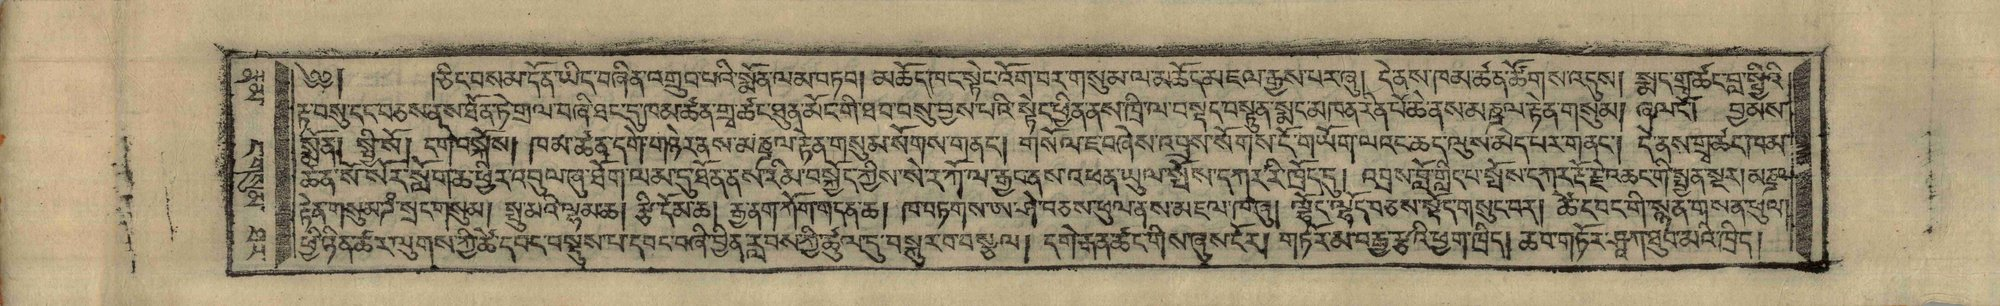༄༅། །ཅིང་བསམ་དོན་ཡིད་བཞིན་འགྲུབ་པའི་སྨོན་ལམ་བཏབ། མཆོད་ཁང་སྟེང་འོག་བར་གསུམ་ལ་མཆོད་མཇལ་རྒྱས་པར་ཞུ། དེ་ནས་ཁམ་ཚན་ཚོགས་འདུས། སྨད་གྲྭ་ཚང་བླ་སྤྱིའི་
རྟ་བསུ་དང་བཅས་ནས་ཐོན་ཏེ་གྲལ་བཞི་ཐང་དུ་ཁམ་ཚན་གྲྭ་ཚང་ཐུན་མོང་གི་ཐབ་བསུ་བྱས་པའི་སྟེང་ཕྱིན་ནས་ཁྲི་ལ་བསྡད་བསྟུན་སྨད་མཁན་རིན་པོ་ཆེ་ནས་མཎྜལ་རྟེན་གསུམ། ཞལ་ངོ། བྱམས་
སྨོན། སྤྱི་སོ། དགེ་བསྐོས། ཁམ་ཚན་དགེ་གཉེར་ནས་མཎྜལ་རྟེན་གསུམ་སོགས་གནང་། གསོལ་ཇ་བཞེས་འབྲས་སོགས་ངོ་གཡོག་ལའང་ཆད་ལུས་མེད་པར་གནང་། དེ་ནས་གྲྭ་ཚང་ཁམ་
ཚན་སོ་སོར་སློག་ཆ་ཕྱིར་འབུལ་ཞུ་ཐོག་ལམ་དུ་ཐོན་ནས་རིམ་བསྐྱོད་ཀྱིས་སེ་ར་ཀོ་ལ་རྒྱབ་ནས་འཕན་ཡུལ་སྤོས་དཀར་རི་ཁྲོད་དུ། འབྲས་བློ་གླིང་པ་སྤོས་དཀར་རྡོ་རྗེ་འཆང་གི་སྤྱན་སྔར། མཎྜལ་
རྟེན་གསུམ་ཌཾ་སྲང་གསུམ། སྤུ་མའི་ལྷམ་ཆ། རྩི་དོམ་ཆ། རྒྱ་ནག་ཀོག་གདན་ཆ། ཁ་བཏགས་ཨ་ཤེ་བཅས་ཕུལ་ནས་མཇལ་ཁ་ཞུ། ལྷོད་ལྷོད་བཅས་སྡོད་གསུང་བར། ཚེ་དབང་གི་སྙན་གསན་ཕུལ།
ཕྱི་ཉིན་ཚར་ལུགས་ཀྱི་ཚེ་དབང་བསྡུས་པ་དབང་བཞི་བྱིན་རླབས་ཀྱི་ཚུལ་དུ་བསྐུར་བ་བསྩལ། དགེ་རྒན་ཚང་གིས་ཞུས་ངོར། གཏོར་མ་བརྒྱ་རྩའི་ཕྱག་ཁྲིད། ཆབ་གཏོར་ཤཱཀ་ཐུབ་མའི་ཁྲིད།